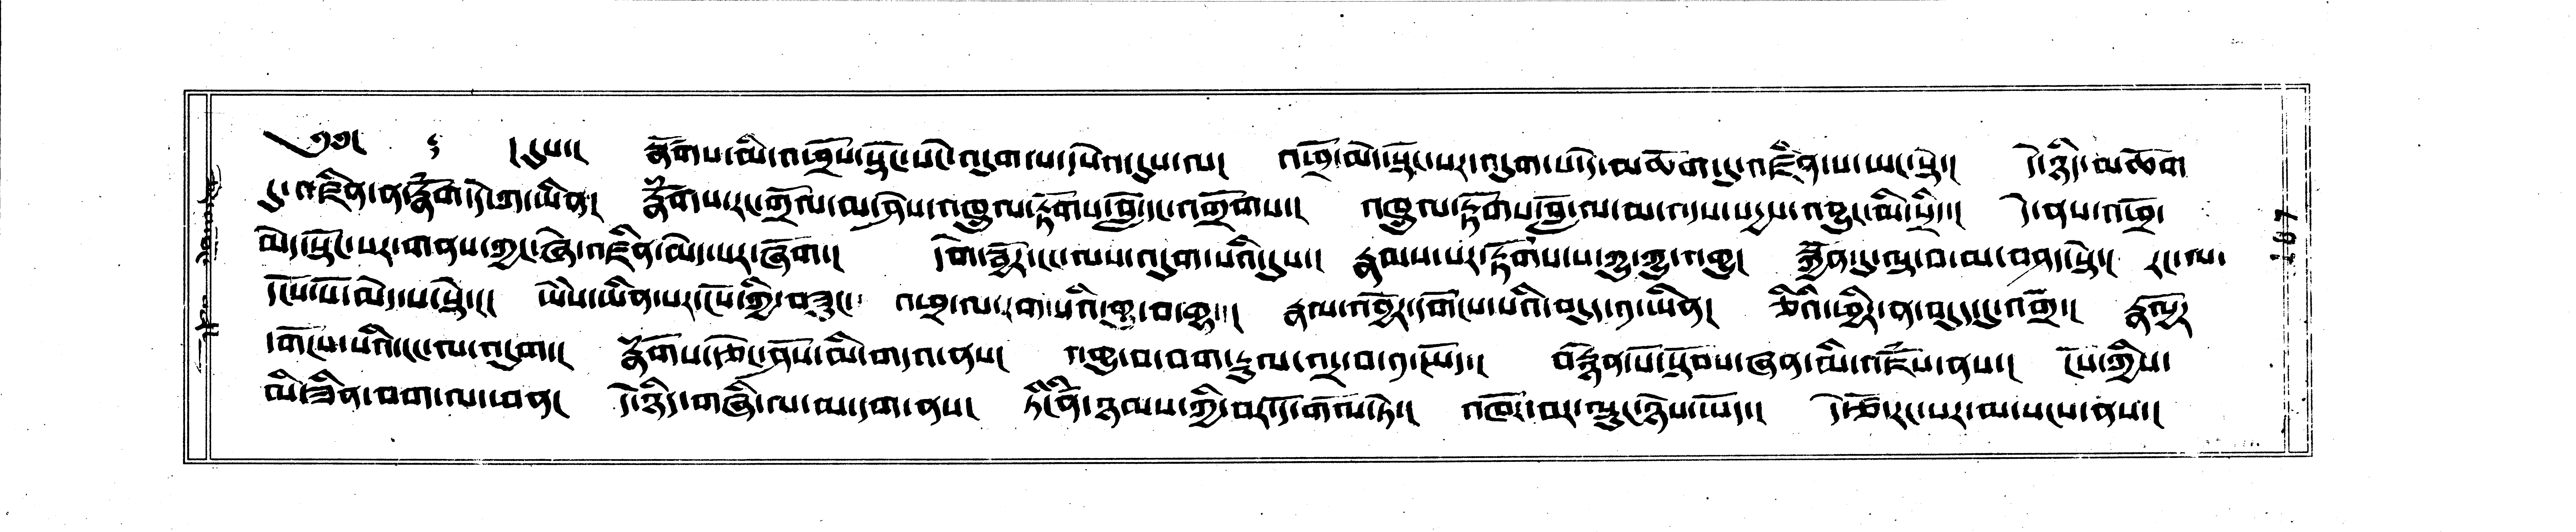དུས། སྣ་ཚོགས་མི་འཕྲོ་སྟོང་སང་ངེ་འདུག་པའི་དུས་ལ། འཕྲོ་མེད་སྟོང་པར་གནས་པ་དེ་མཆོག་ཏུ་འཛིན་པ་ཡང་ཡོད་སྟེ། དེ་ཉིད་མཆོག་
ཏུ་འཛིན་ན་རྣམ་རྟོག་དེ་ཀ་ཡིན། རྣམ་རྟོག་གྲོལ་དུ་མི་ཤེས་འཁྲུལ་རྟོག་བློ་དང་འགྲོ འཁྲུལ་རྟོག་བློ་ལས་མ་འདས་སངས་རྒྱས་འབྱུང་མི་བསྲིད། དེ་ནས་འཕྲོ་
མེད་སྟོང་པར་གནས་ཀྱང་ཞེ་འཛིན་མེད་པར་ཞོག དགེ་སྦྱོར་ཡི་ངང་ལ་འདུག་ཙམ་ན། རྣམ་པར་རྟོག་པས་ཀྱུ་ཀྱུ་འགྱུ། སྐྱོན་དུ་ལྟ་བར་མ་བཤད་དེ། རང་འབྱུང་
དངོས་མེད་སྟོང་པ་དེ། ཡེ་ཤེས་ཡིན་པར་ངོས་ཀྱི་བཟུངས། འཕྲ་ལ་རག་པའི་འགྱུ་བ་འགའ། རྣལ་འབྱོར་དགོངས་པའི་བདུད་གཅིག་ཡིན། ཅིའི་ཕྱིར་ན་བདུད་དུ་འགྲོ། རྣལ་འབྱོར་
དགེ་སྦྱོར་ངང་ལ་འདུག་དུས། རྣམ་རྟོག་རྩི་ཤིང་ཤོར་མི་གདབ་ནས། འགྱུ་བ་བག་རྡུལ་འདྲ་བ་གཅིག་ཡོད། གཉེན་པོ་སྟོབས་ཞན་མི་འཇོམས་ནས། ངོས་ཀྱིས་
མི་ཟིན་བག་ལ་ཡན། དེ་ཉིད་གཞི་ལས་མ་དག་ན། ཏིང་འཛིན་ཉམས་ཀྱིས་བར་དོར་གོལ་ཏེ། འཁོར་བར་ལྟུང་ཉེན་ཡོད། དེ་ཚོ་རང་སར་མ་སངས་ན།